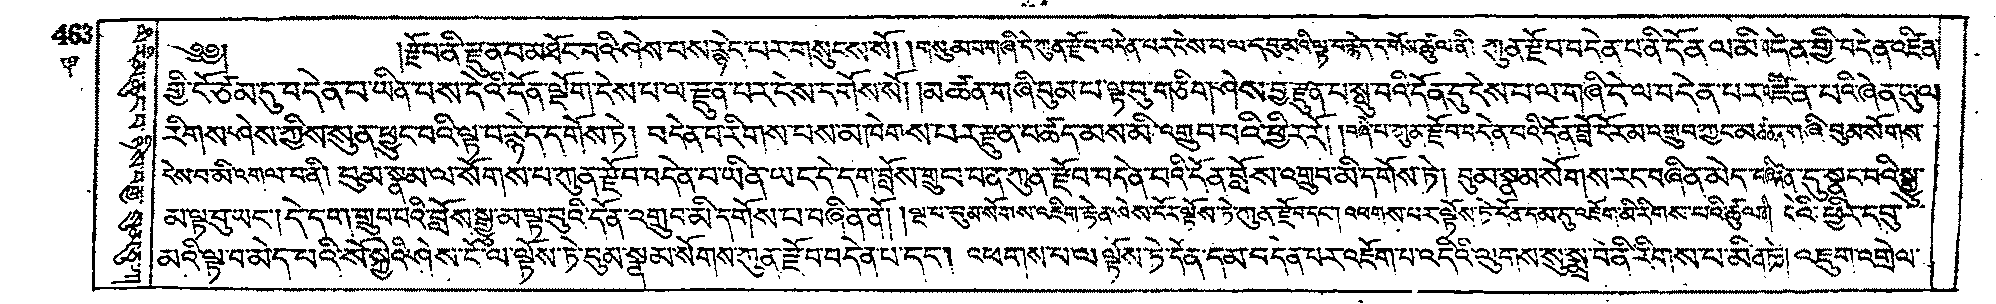༄༅། །རྫོབ་ནི་རྫུན་པ་མཐོང་བའི་ཤེས་པས་རྙེད་པར་གསུངས་སོ། །གསུམ་པ་གཞི་དེ་ཀུན་རྫོབ་བདེན་པར་ངེས་པ་ལ་དབུ་མའི་ལྟ་བ་རྙེད་དགོས་ཚུལ་ནི།  ཀུན་རྫོབ་བདེན་པ་ནི་དོན་ལ་མི་བདེན་གྱི་བདེན་འཛིན་
གྱི་ངོ་ཙམ་དུ་བདེན་པ་ཡིན་པས་དེའི་དོན་ལྡོག་ངེས་པ་ལ་རྫུན་པར་ངེས་དགོས་སོ། །མཚན་གཞི་བུམ་པ་ལྟ་བུ་གཅིག་ཤེས་བྱ་རྫུན་པ་སླུ་བའི་དོན་དུ་ངེས་པ་ལ་གཞི་ངེ་ལ་བདེན་པར་འཛིན་པའི་ཞེན་ཡུལ་
རིགས་ཤེས་ཀྱིས་སུན་ཕྱུང་བའི་ལྟ་བ་རྙེད་དགོས་ཏེ། བདེན་པ་རིགས་པས་མ་ཁེགས་པར་རྫུན་པ་ཚད་མས་མི་འགྲུབ་པའི་ཕྱིར་རོ། །བཞི་པ་ཀུན་རྫོབ་བདེན་པའི་དོན་བློ་ངོར་མ་འགྲུབ་ཀྱང་མཚན་གཞི་བུམ་སོགས་
ངེས་བ་མི་འགལ་བ་ནི། བུམ་སྣམ་ལ་སོགས་པ་ཀུན་རྫོབ་བདེན་པ་ཡིན་ཡང་དེ་དག་བློས་གྲུབ་པ་ན་ཀུན་རྫོབ་བདེན་པའི་དོན་བློས་འགྲུབ་མི་དགོས་ཏེ། བུམ་སྣམ་སོགས་རང་བཞིན་མེད་བཞིན་དུ་སྣང་བའི་སྒྱུ་
མ་ལྟ་བུ་ཡང་། དེ་དག་གྲུབ་པའི་བློས་སྒྱུར་མ་ལྟ་བུའི་དོན་འགྲུབ་མི་དགོས་པ་བཞིན་ནོ། །ལྔ་པ་བུམ་སོགས་འཇིག་རྟེན་ཤེས་ངོར་ལྟོས་ཏེ་ཀུན་རྫོབ་དང་། འཕགས་པར་ལྟོས་ཏེ་དོན་དམ་དུ་འཇོག་མི་རིགས་པའི་ཚུལ་ནི།  དེའི་ཕྱིར་དབུ་
མའི་ལྟ་བ་མེད་པའི་སོ་སྐྱེའི་ཤེས་ངོ་ལ་ལྟོས་ཏེ་བུམ་སྣམ་སོགས་ཀུན་རྫོབ་བདེན་པ་དང་། འཕགས་པ་ལ་ལྟོས་ཏེ་དོན་དམ་བདེན་པར་འཇོག་པ་འདིའི་ལུགས་སུ་སྨྲ་བ་ནི་རིགས་པ་མིན་ཏེ། འཇུག་འགྲེལ་